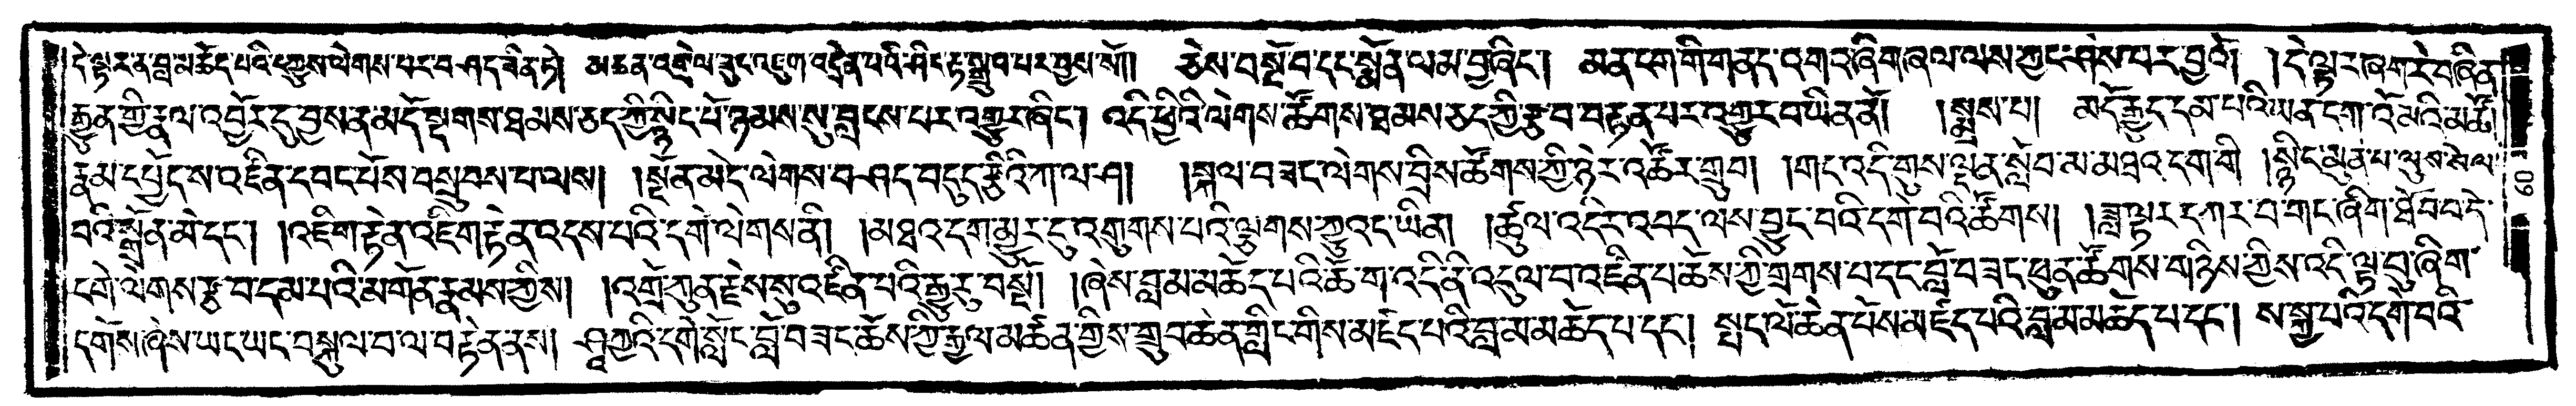དེ་ལྟར་ན་བླ་མཆོད་པའི་དཀྱུས་ལེགས་པར་བཤད་ཟིན་ཏེ། མཆན་འགྲེལ་ཟུང་འཇུག་འདྲེན་པའི་ཤིང་རྟ་སྒྲུབ་པར་བྱས་སོ།། ཅེས་བསྔོ་བ་དང་སྨོན་ལམ་བྱ་ཞིང་། མན་ངག་གི་གནད་འགའ་ཞིག་ཞལ་ལས་ཀྱང་ཤེས་པར་བྱའོ། །དེ་ལྟར་ཞག་རེ་བཞིན་
རྒྱུན་གྱི་རྣལ་འབྱོར་དུ་བྱས་ན་མདོ་སྔགས་ཐམས་ཅད་ཀྱི་སྙིང་པོ་ཉམས་སུ་བླངས་པར་འགྱུར་ཞིང་། འདི་ཕྱིའི་ལེགས་ཚོགས་ཐམས་ཅད་ཀྱི་རྩ་བ་བརྟན་པར་འགྱུར་བ་ཡིན་ནོ། །སྨྲས་པ། མདོ་རྒྱུད་དམ་པའི་ཡན་དག་འོ་མའི་མཚོ་
རྣམ་དཔྱོད་ས་འཛིན་དབང་པོས་བསྲུབས་པ་ལས། །སྔོན་མེད་ལེགས་བཤད་བདུད་རྩིའི་ཀ་ལ་ཤ། །སྐལ་བཟང་ལེགས་བྲིས་ཚོགས་ཀྱི་ཉེར་འཚོར་གྲུབ། །གང་འདི་གུས་ལྡན་སློབ་མ་མཐའ་དག་གི །སྙིང་མུན་པ་ལུས་སེལ་
བའི་སྒྲོན་མེ་དང་། །འཇིག་རྟེན་འཇིག་རྟེན་འདས་པའི་དགེ་ལེགས་ནི། །མཐའ་དག་མྱུར་དུ་འགུགས་པའི་ལྕགས་ཀྱུའང་ཡིན། །ཚུལ་འདིར་འབད་ལས་བྱུང་བའི་དགེ་བའི་ཚོགས། །ཟླ་ལྟར་དཀར་བ་གང་ཞིག་ཐོབ་བདེ་
དགེ་ལེགས་རྩ་བ་དམ་པའི་མགོན་རྣམས་ཀྱིས། །འགྲོ་ཀུན་རྗེས་སུ་འཛིན་པའི་རྒྱུ་རུ་བསྔོ། །ཞེས་བླ་མ་མཆོད་པའི་ཆོ་ག་འདི་ནི་འདུལ་བ་འཛིན་པ་ཆོས་ཀྱི་གྲགས་པ་དང་བློ་བཟང་ཕུན་ཚོགས་གཉིས་ཀྱིས་འདི་ལྟ་བུ་ཞིག་
དགོས་ཞེས་ཡང་ཡང་བསྐུལ་བ་ལ་བརྟེན་ནས། ཤཱཀྱའི་དགེ་སློང་བློ་བཟང་ཆོས་ཀྱི་རྒྱལ་མཚན་གྱིས་གྲུབ་ཆེན་གླིང་གིས་མཛད་པའི་བླ་མ་མཆོད་པ་དང་། སྤང་ལོ་ཆེན་པོས་མཛད་པའི་བླ་མ་མཆོད་པ་དང་། ས་སྐྱ་པའི་དགེ་བའི་